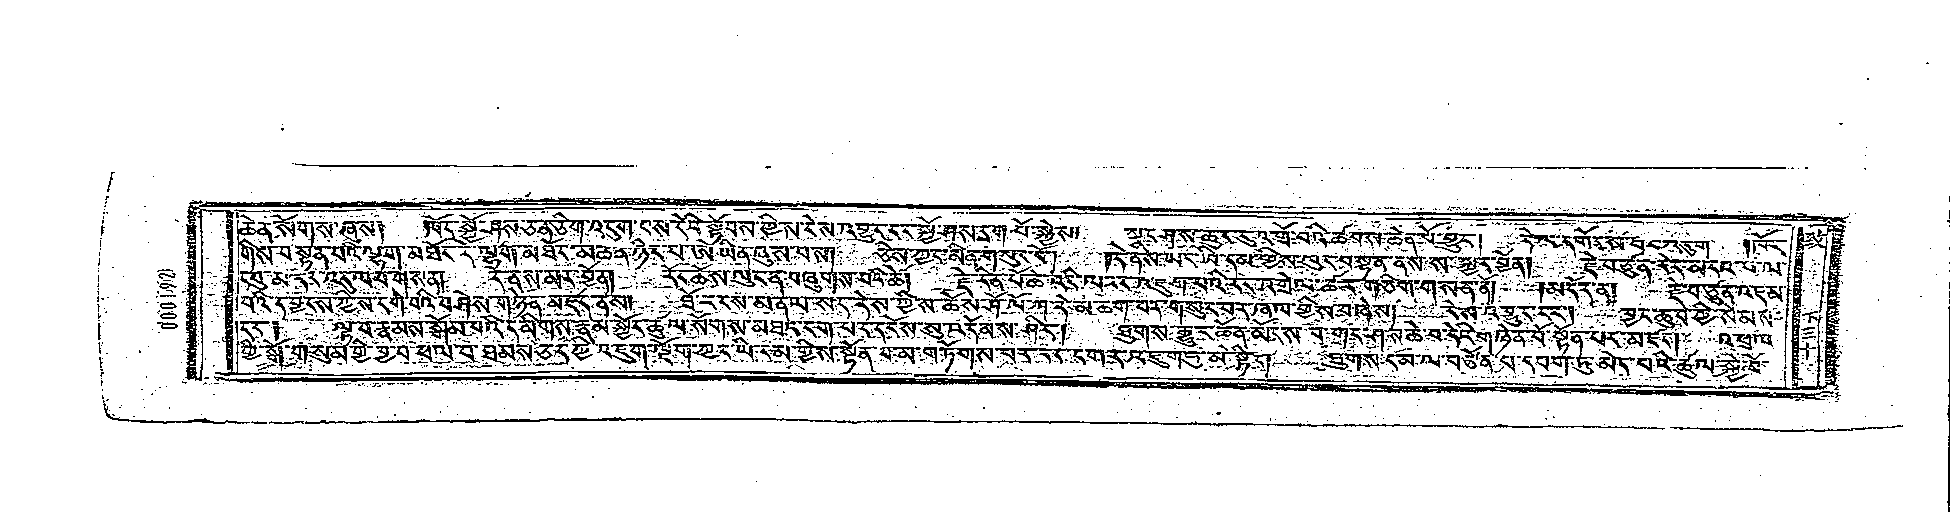ཆེན་སོགས་ཞུས། ཁོང་སྐྱོ་ཤས་ཅན་ཅིག་འདུག་པས་དེའི་སྟོབས་ཀྱིས་དེས་འབྱུང་དང་སྐྱོ་ཤས་དྲག་པོ་སྐྱེས། སྣང་ཤས་ཆུང་དུ་འགྲོ་བའི་ཚ་བས་ཆེན་པོ་བྱུང་། དེ་ལ་དགོངས་བར་འདུག །ཁོང་
གིས་བསྟན་པའི་ལྷག་མཐོང་དེ་ལྷག་མཐོང་མཚན་ཉིད་པ་ཨེ་ཡིན་ཞུས་པས། ཅེས་ཀྱང་མིན་གསུང་ངོ། །དེ་ནས་ཡང་ཡི་དམ་གྱིས་ལུང་བསྟན་ནས་ས་སྐྱར་བྱོན། རྗེ་བཙུན་རེད་མདའ་པ་ལ་
དབུ་མ་དང་འདུལ་བ་གསན། དེ་ནས་མར་བྱོན། རོང་ཆོས་ལུང་ན་བཞུགས་པའི་ཚེ། རྗེ་རིན་པོ་ཆེ་འདི་ལའང་འཇུག་པའི་རང་འགྲེལ་ཚར་གཅིག་གསན་ནོ། །མདོར་ན། རྗེ་བཙུན་འཇམ་
པའི་དབྱངས་ཀྱིས་དགེ་བའི་བཤེས་གཉེན་མཛད་ནས། ཐོ་རངས་མནལ་སད་རེས་ཀྱིས་ཆོས་ཤོ་ལོ་ཀ་རེ་མ་ཆག་བར་གསུང་བར་ཞལ་ཤས་ཆེ་བ་དེའི་གཉེན་པོ་སྟོན་པར་མཛད། འཕྲལ་གྱི་སྒོ་གསུམ་
དང་། ལྟ་བ་རྣམས་སྒོམ་པའི་དམིགས་རྣམ་སྐྱོང་ཚུལ་སོགས་མཐའ་དག་པར་དངོས་སུ་འདོམས་ཤིང་། ཐུགས་རྒྱུད་ཆོན་མོངས་བ་གང་ཤས་ཆེ་བ་དེའི་གཉེན་པོ་སྟོན་པར་མཛད། འཕྲལ་
གྱི་སྒོ་གསུམ་གྱི་བྱ་བ་ཕལ་བ་ཐམས་ཅད་ཀྱི་འཇུག་ལྡོག་ཀྱང་ཡི་དམ་གྱིས་སྟོན་པ་མ་གཏོགས་པར་རང་དགར་འཇུག་ཏུ་མེ་སྟིང་། ཐུགས་དམ་ལ་བརྩོན་པ་དཔག་ཏུ་མེད་པའི་ཚུལ་སྐྱེ་བོ་